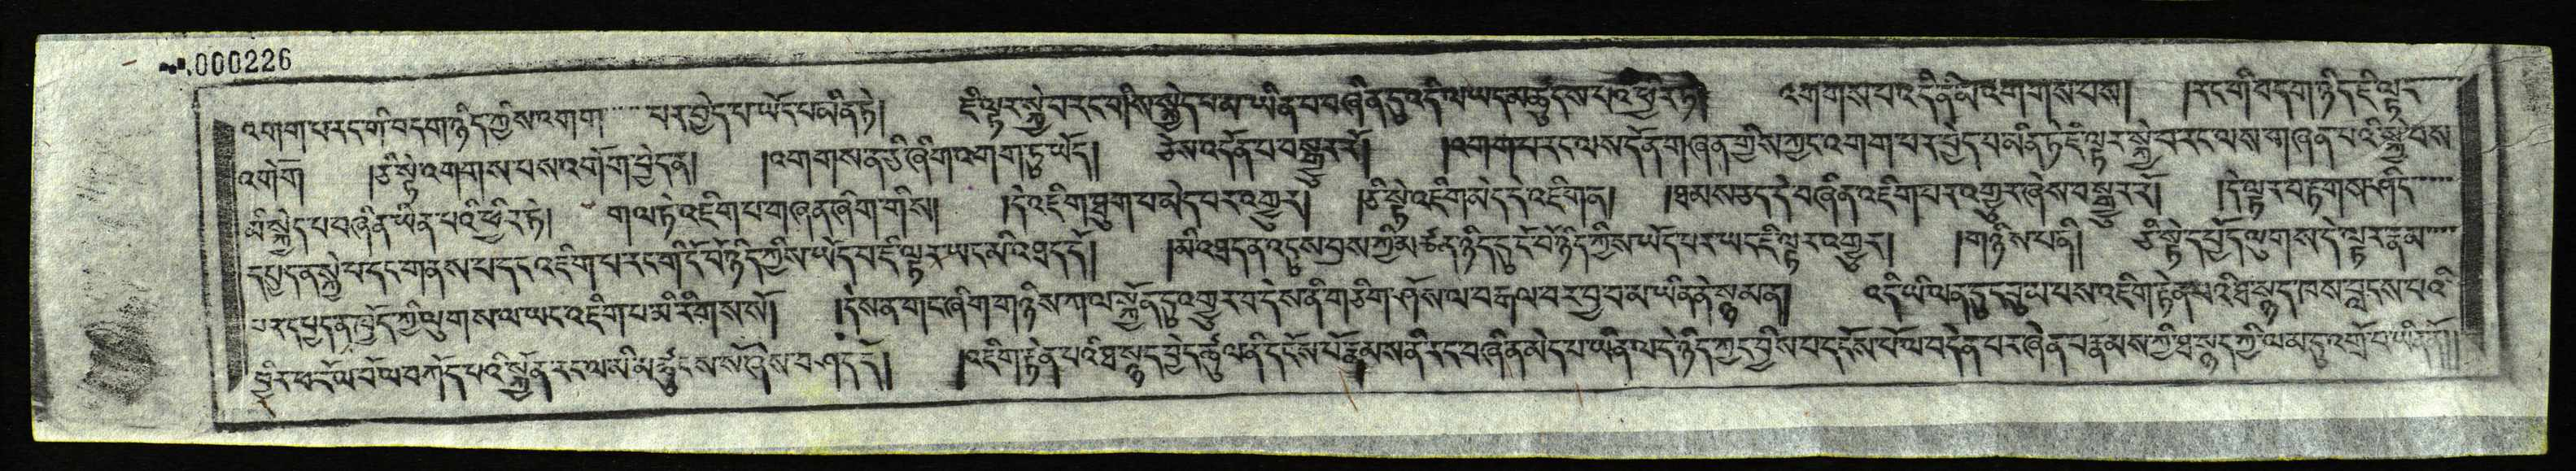འགག་པ་རང་གི་བདག་ཉིད་ཀྱིས་འགག་པར་བྱེད་པ་ཡོད་པ་མིན་ཏེ། ཇི་ལྟར་སྐྱེ་བ་རང་གིས་སྐྱེད་པ་མ་ཡིན་པ་བཞིན་དུ་འདི་ལ་ཡང་མཚུངས་པའི་ཕྱིར་ཏེ། འགགས་པ་འདི་ནི་མ་འགགས་པས། །རང་གི་བདག་ཉིད་ཇི་ལྟར་
འགོག །ཅི་སྟེ་འགགས་པས་འགོག་བྱེད་ན། །འགགས་ན་ཅི་ཞིག་འགག་ཏུ་ཡོད། ཅེས་འདོན་པ་བསྒྱུར་རོ། །འགག་པ་རང་ལས་དོན་གཞན་གྱིས་ཀྱང་འགག་པར་བྱེད་པ་མིན་ཏེ་ཇི་ལྟར་སྐྱེ་བ་རང་ལས་གཞན་པའི་སྐྱེ་བས་
མི་སྐྱེད་པ་བཞིན་ཡིན་པའི་ཕྱིར་ཏེ། གལ་ཏེ་འཇིག་པ་གཞན་ཞིག་གིས། །དེ་འཇིག་ཐུག་པ་མེད་པར་འགྱུར། །ཅི་སྟེ་འཇིག་མེད་དེ་འཇིག་ན། །ཐམས་ཅད་དེ་བཞིན་འཇིག་པར་འགྱུར་ཞེས་བསྒྱུར་རོ། །དེ་ལྟར་བ་རྟགས་ཤིང་
དཔྱད་ན་སྐྱེ་པ་དང་གནས་པ་དང་འཇིག་པ་རང་གི་ངོ་བོ་ཉིད་ཀྱིས་ཡོད་པ་ཇི་ལྟར་ཡང་མི་འཐད་དོ། །མི་འཐད་ན་འདུས་བྱས་ཀྱི་མཚན་ཉིད་དུ་ངོ་བོ་ཉིད་ཀྱིས་ཡོད་པར་ཡང་ཇི་ལྟར་འགྱུར། །གཉིས་པ་ནི། ཅི་སྟེ་དཔྱོད་ལུགས་དེ་ལྟར་རྣམ་
པར་དཔྱད་ན་ཁྱོད་ཀྱི་ལུགས་ལ་ཡང་འཇིག་པ་མི་རིགས་སོ། །དེས་ན་གང་ཞིག་གཉིས་ཀ་ལ་སྐྱོན་དུ་འགྱུར་བ་དེས་ནི་གཅིག་ཤོས་ལ་བརྒལ་བར་བྱ་བ་མ་ཡིན་ནོ་སྙམ་ན། འདི་ཡི་ལན་དུ་དབུ་མ་པས་འཇིག་རྟེན་པའི་ཐ་སྙད་ཁས་བླངས་པའི་
ཕྱིར་ཕ་རོལ་པོ་ལ་བཀོད་པའི་སྐྱོན་རང་ལ་མི་མཚུངས་སོ་ཞེས་བཤད་དོ། །འཇིག་རྟེན་པའི་ཐ་སྙད་བྱེད་ཚུལ་ནི་དངོས་པོ་རྣམས་ནི་རང་བཞིན་མེད་པ་ཡིན་ལ་དེ་ཉིད་ཀྱང་བྱིས་པ་དངོས་པོ་ལ་བདེན་པར་ཞེན་པ་རྣམས་ཀྱི་ཐ་སྙད་ཀྱི་ལམ་དུ་འགྲོ་བ་ཡིན་ནོ།།